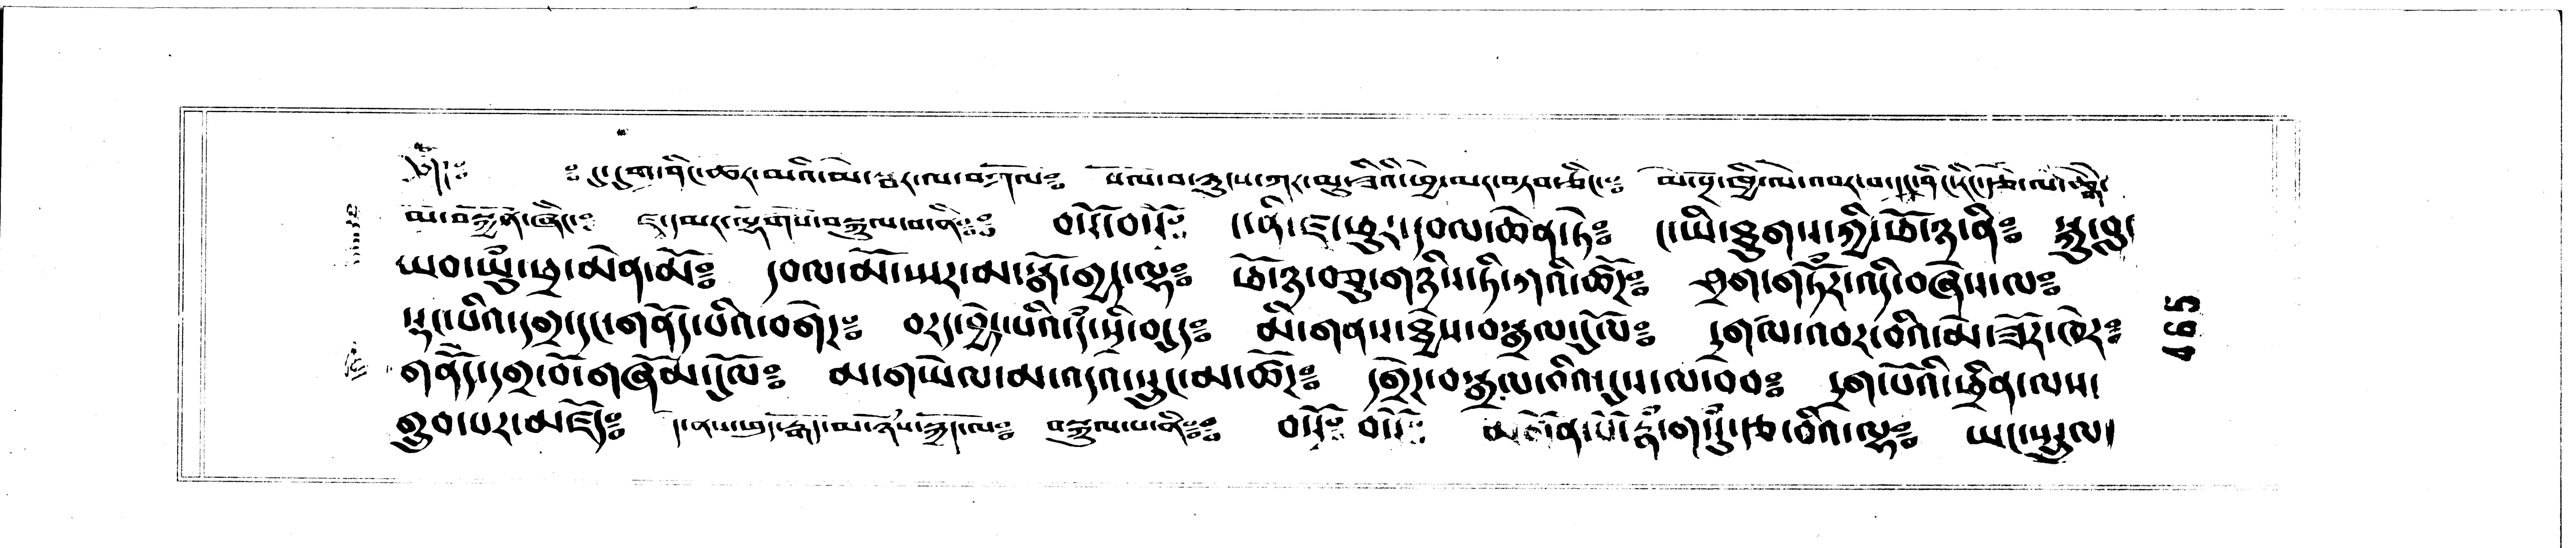༔དུ་དུག་ཤིང་ཚེར་མའི་མེ་སྦར་ལ་བཀོལ༔སོལ་བ་ཉུངས་ཀར་མུ་ཟིའི་ཕྱེ་མར་བཏབ་ཅིང་༔མེ་སྔོ་ཁྱི་ལོ་འབར་བ་དང་ཤིང་རིང་རྩེ་ལ་ཆེ་གེ་
མོ་བསྐྱོན་ཞིང་༔ཛྭ་དམར་ལྷ་ཚོགས་བསྐུལ་བ་ནི༔ བསྭོ་བསྭོ༔ ང་ནི་ཛྭ་ཕུར་དབལ་ཆེན་ཏེ༔ང་ཡི་ཐུགས་ཀྱི་ཕོ་ཉ་ནི༔སྐུ་བླ་
ཡབ་ཡུམ་ཕྲ་མེན་མོ༔དབལ་མོ་སྤར་མ་སྒོ་གྱད་ལྷ༔ཕོ་ཉ་བཅུ་གཉིས་ཏི་ཀའི་ཚོགས༔ ཤ་ཁྲག་གཏོར་མ་འདི་བཞེས་ལ༔
སྡང་པའི་དགྲ་དང་གནོད་པའི་བགེགས༔བར་ཆད་བྱེད་པའི་དམ་སྲི་བདུད༔མི་གནས་ཐུགས་རྗེས་བསྒྲལ་དུ་གསོལ༔དྲག་རྩལ་འབར་བའི་མེ་ཟོར་ཁེར༔
གནོད་བྱེད་དགྲ་བོ་གཞོམ་དུ་གསོལ༔མ་གཡེལ་མ་འདའ་སྲུང་མ་ཚོགས༔དགྲ་བགེགས་བསྒྲལ་བའི་དུས་ལ་བབ༔དྲག་པོའི་ཕྲིན་ལས་
གྲུབ་པར་མཛོད༔དེ་ནས་ཕུད་རྒོད་མ་ཉམས་སྐུ་བསྟོད་ལ༔བསྐུལ་པ་ནི༔བསྭོ༔བསྭོ༔མགོན་པོ་རྣམ་གསུམ་རྩ་བའི་ལྷ༔ཡང་སྤྲུལ་